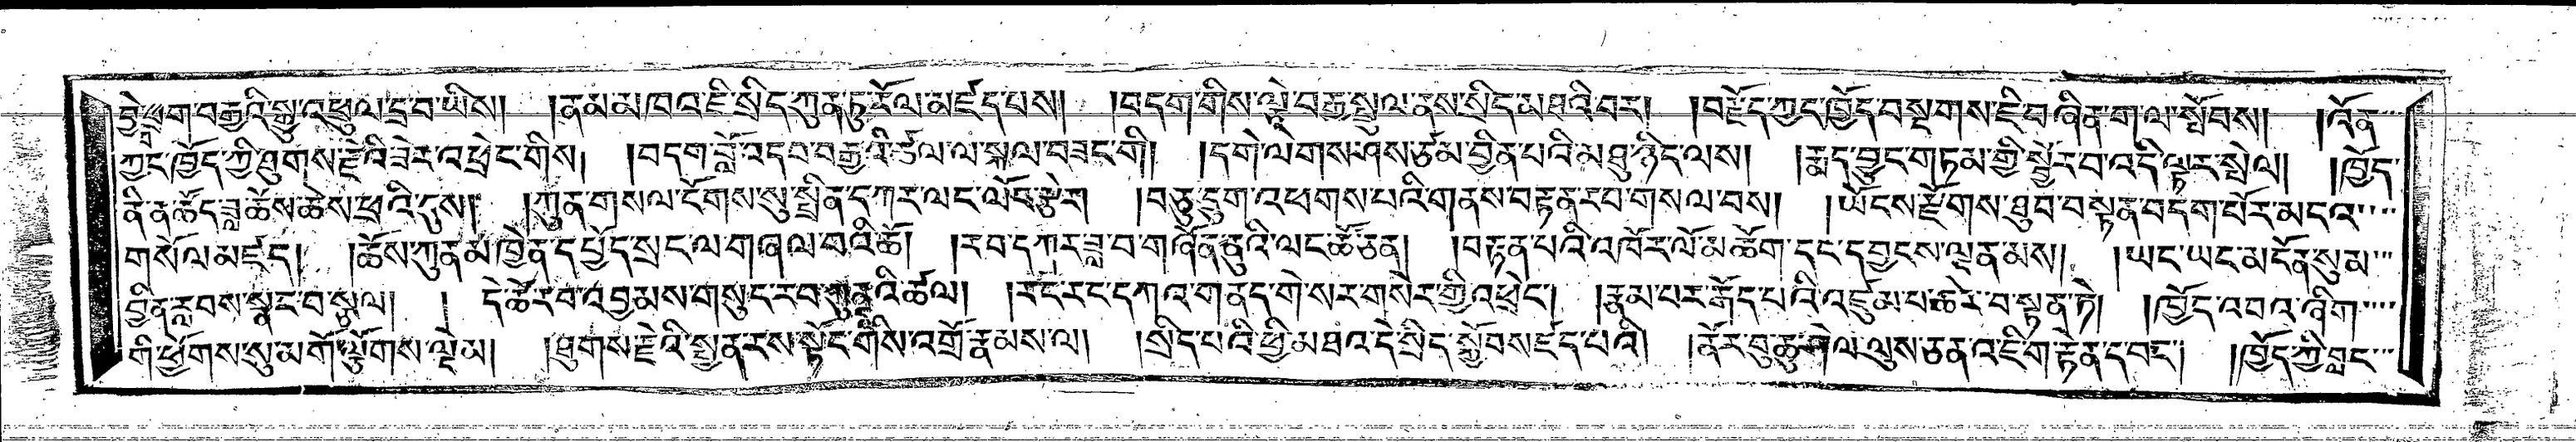བྱེ་བ་ཕྲག་བརྒྱའི་སྒྱུ་འཕྲུལ་དྲ་བ་ཡིས། །ནམ་མཁའ་ཇི་སྲིད་ཀུན་ཏུ་རོལ་མཛད་པས། །བདག་གིས་ལྕེ་བརྒྱ་སྤྲུལ་ནས་སྲིད་མཐའི་བར། །བརྗོད་ཀྱང་ཁྱོད་བསྔགས་ཇི་བཞིན་ག་ལ་སྤོབས། །འོན་
ཀྱང་ཁྱོད་ཀྱི་ཐུགས་རྗེའི་ཟེར་འཕྲེང་གིས། །བདག་བློ་འདབ་བརྒྱའི་ཚལ་ལ་སྐལ་བཟང་གི། །དགེ་ལེགས་ཤས་ཙམ་བྱིན་པའི་མཐུ་ཉིད་ལས། །རྨད་བྱུང་གཏམ་གྱི་སྦྱོར་བ་འདི་ལྟར་སྤེལ། །ཁྱོད་
ནི་ན་ཚོད་ཟླ་ཚེས་ཆེས་ཕྲའི་དུས། །ཀུན་གསལ་ངོགས་སུ་སྤྲིན་དཀར་ལང་ལོང་རྩེར། །བཅུ་དྲུག་འཕགས་པའི་གནས་བརྟན་རབ་གསལ་བས། །ཡོངས་རྫོགས་ཐུབ་བསྟན་བདག་པོར་མངའ་
གསོལ་མཛད། །ཆོས་ཀུན་མཁྱེན་དཔྱོད་སྲང་ལ་གཞལ་བའི་ཆོ། །རབ་དཀར་ཟླ་བ་གཞོན་ནུའི་ལང་ཚོ་ཅན། །བརྟན་པའི་འཁོར་ལོ་མཆོག་དང་དབྱངས་ལྡན་མས། །ཡང་ཡང་མངོན་སུམ་
བྱིན་རླབས་སྣང་བ་སྩལ། །དེ་ཚེ་རབ་འབྱམས་གསུང་རབ་ཀུནྡཱའི་ཚལ། །རང་རང་དཀའ་གནད་གེ་སར་གསེར་གྱི་འཕྲེང་། །རྣམ་པར་རྒོད་པའི་འཛུམ་པ་ཆེར་བསྟན་ཏེ། །ཁྱོད་འབའ་ཞིག་
གི་ཕྱོགས་སུ་མགོ་ལྕོགས་ལྡེམ། །ཐུགས་རྗེའི་སྤྱན་རས་སྟོང་གིས་འགྲོ་རྣམས་ལ། །སྲིད་པའི་ཕྱི་མཐའ་དེ་སྲིད་སྐྱོབས་ཛད་པའི། །ནོར་བུ་ཆུ་ཤེལ་ལུས་ཅན་འཇིག་རྟེན་དབང་། །ཁྱོད་ཀྱི་བླང་